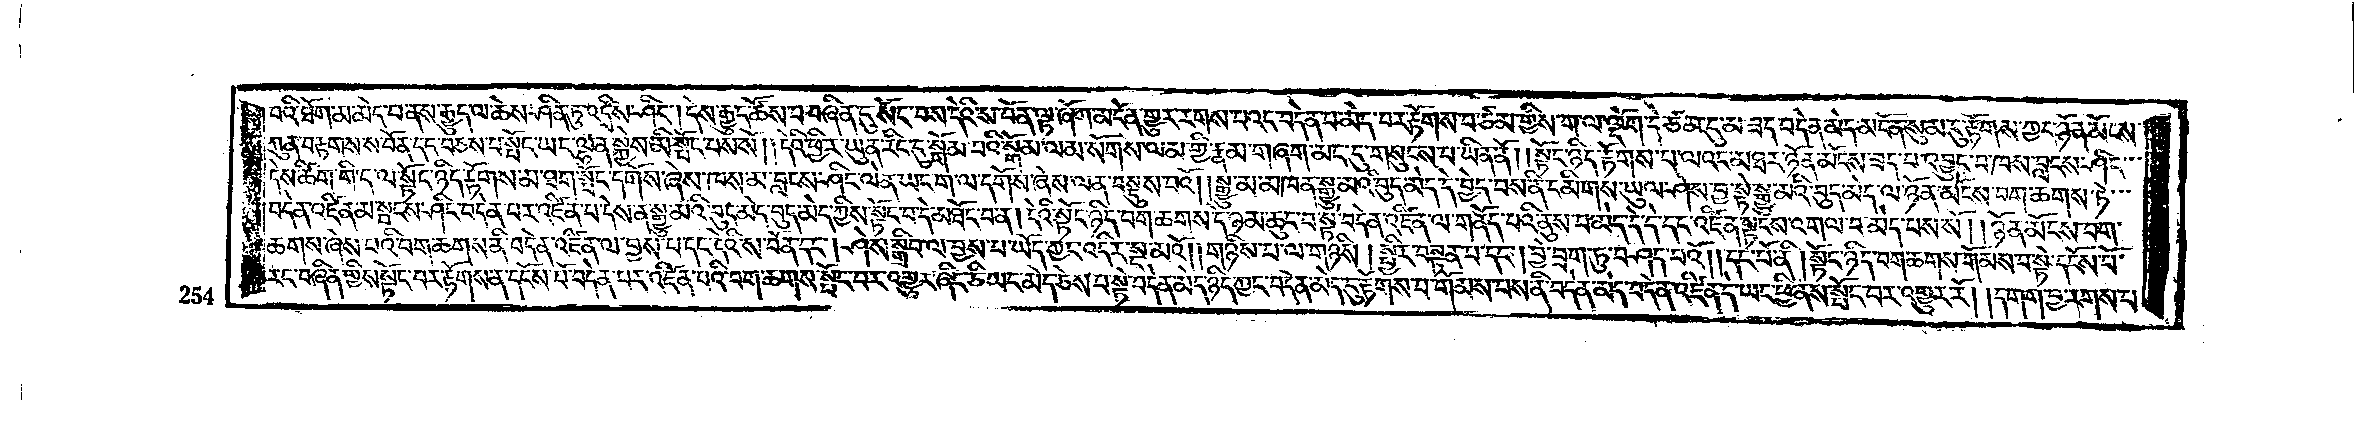བའི་ཐོག་མ་མེད་པ་ནས་རྒྱུད་ལ་ཆེས་ཤིན་ཏུ་འདྲིས་ཤིང་། དེས་རྒྱུད་ཚོས་པ་བཞིན་དུ་སོང་བས་དེའི་ས་བོན་ལྟ་ཞོག་མངོན་གྱུར་རགས་པའང་བདེན་པ་མེད་པར་རྟོགས་པ་ཙམ་གྱིས་ག་ལ་ལྡོག་དེ་ཙམ་དུ་མ་ཟད་བདེན་མེད་མངོན་སུམ་དུ་རྟོགས་ཀྱང་ཉོན་མོངས་
ཀུན་བརྟགས་ས་བོན་དང་བཅས་པ་སྤོང་ཡང་ལྷན་སྐྱེས་མི་སྤོང་བས་སོ། །དེའི་ཕྱིར་ཡུན་རིང་དུ་སྒོམ་པའི་སྒོམ་ལམ་སོགས་ལམ་གྱི་རྣམ་གཞག་མང་དུ་གསུངས་པ་ཡིན་ནོ། །སྟོང་ཉིད་རྟོགས་པ་ལའང་མཐར་ཉོན་མོངས་ཟད་པ་འབྱུང་བ་ཁས་བླངས་ཤིང་
དེས་ཚིག་གི་དེ་ལ་སྟོང་ཉིད་རྟོགས་མ་ཐག་སྤོང་དགོས་ཞེས་ཁས་མ་བླངས་ཤིང་ལེན་ཡང་ག་ལ་དགོས་ཞེས་ལན་བསྡུས་པའོ། །སྒྱུ་མ་མཁན་སྒྱུ་མའི་བུད་མེད་དེ་བྱེད་པས་ནི་དམིགས་ཡུལ་ཤེས་བྱ་སྟེ་སྒྱུ་མའི་བུད་མེད་ལ་ཉོན་མོངས་བག་ཆགས་ཏེ་
བདེན་འཛིན་མ་སྤངས་ཤིང་བདེན་པར་འཛིན་པ་དེས་ན་སྒྱུ་མའི་བུད་མེད་བུད་མེད་ཀྱིས་སྟོང་བ་དེ་མཐོང་བ་ན། དེའི་སྟོང་ཉིད་བག་ཆགས་དེ་ཉམ་ཆུང་བ་སྟེ་བདེན་འཛིན་ལ་གནོད་པའི་ནུས་པ་མེད་དེ་དེ་དང་འཛིན་སྟངས་འགལ་བ་མེད་པས་སོ། །ཉོན་མོངས་བག་
ཆགས་ཞེས་པའི་བག་ཆགས་ནི་བདེན་འཛིན་ལ་བྱས་པ་དང་དེའི་ས་བོན་དང་། ཤེས་སྒྲིབ་ལ་བྱས་པ་ཡོད་ཀྱང་འདིར་སྔ་མའོ། །གཉིས་པ་ལ་གཉིས། སྤྱིར་བསྟན་པ་དང་། བྱེ་བྲག་ཏུ་བཤད་པའོ། །དང་པོ་ནི། སྟོང་ཉིད་བག་ཆགས་གོམས་པ་སྟེ་དངོས་པོ་
རང་བཞིན་གྱིས་སྟོང་པར་རྟོགས་ན་དངོས་པོ་བདེན་པར་འཛིན་པའི་བག་ཆགས་སྤོང་བར་འགྱུར་ཞིང་ཅི་ཡང་མེད་ཅེས་པ་སྟེ་བདེན་མེད་ཉིད་ཀྱང་བདེན་མེད་དུ་རྟོགས་པ་གོམས་པས་ནི་བདེན་མེད་བདེན་འཛིན་དེ་ཡང་ཕྱི་ནས་སྤོང་བར་འགྱུར་རོ། །དགག་བྱ་རགས་པ་